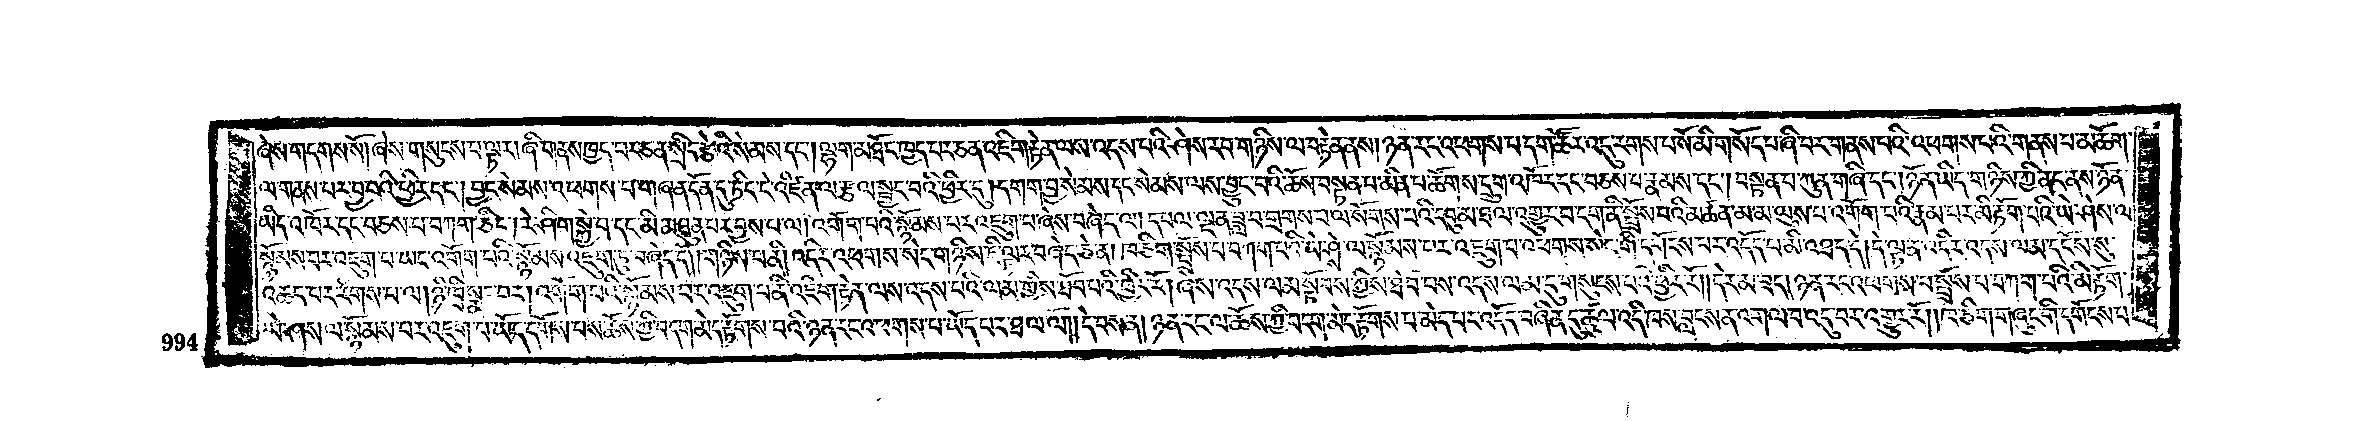ཞེས་གདགས་སོ། ཞེས་གསུངས་པ་ལྟར། ཞི་གནས་ཁྱད་པར་ཅན་སྲིད་རྩེའི་སེམས་དང་། ལྷག་མཐོང་ཁྱད་པར་ཅན་འཇིག་རྟེན་ལས་འདས་པའི་ཤེས་རབ་གཉིས་ལ་བརྟེན་ནས། ཉན་རང་འཕགས་པ་དག་ཚོར་འདུ་རགས་པ་སོ་མི་གསོད་པ་ཞི་བར་གནས་པའི་འཕགས་པའི་གནས་པ་མཆོག་
ལ་གནས་པར་བྱ་བའི་ཕྱིར་དང་། བྱང་སེམས་འཕགས་པ་གཞན་དོན་དུ་ཏིང་ངེ་འཛིན་ལ་རྩལ་སྦྱང་བའི་ཕྱིར་དུ། དགག་བྱ་སེམས་དང་སེམས་ལས་བྱུང་བའི་ཆོས་བསྟན་པ་མིན་པ་ཚོགས་དྲུག་འཁོར་དང་བཅས་པ་རྣམས་དང་། བསྟན་པ་ཀུན་གཞི་དང་། ཉོན་ཡིད་གཉིས་ཀྱི་ནང་ནས་ཉོན་
ཡིད་འཁོར་དང་བཅས་པ་བཀག་ཅིང་། རེ་ཤིག་སྐྱེ་བ་དང་མི་མཐུན་པར་བྱས་པ་ལ། འགོག་པའི་སྙོམས་པར་འཇུག་པ་ཞེས་བཞེད་ལ། དཔལ་ལྡན་ཟླ་བ་གྲགས་པ་ལ་སོགས་པའི་དབུ་མ་ཐལ་འགྱུར་བ་དག་ནི་སྤྲོས་པའི་མཚན་མ་མ་ལུས་པ་འགོག་པའི་རྣམ་པར་མི་རྟོག་པའི་ཡེ་ཤེས་ལ་
སྙོམས་པར་འཇུག་པ་ཡང་འགོག་པའི་སྙོམས་འཇུག་ཏུ་བཞེད་དོ། །གཉིས་པ་ནི། འདིར་འཕགས་སེང་གཉིས་ཇི་ལྟར་བཞེད་ཅེ་ན། ཁ་ཅིག་སྤྲོས་པ་བཀག་པའི་ཡེ་ཤེས་ལ་སྙོམས་པར་འཇུག་པ་འཕགས་སེང་གི་དགོངས་པར་འདོད་པ་མི་འཐད་དེ། དེ་ལྟ་ན་འདིར་འདས་ལམ་དངོས་སུ་
འཆད་པར་རིགས་པ་ལ། ཉི་ཁྲི་སྣང་བར། འགོག་པའི་སྙོམས་པར་འཇུག་པ་ནི་འཇིག་རྟེན་ལས་འདས་པའི་ལམ་གྱིས་ཐོབ་པའི་ཕྱིར་རོ། ཞེས་འདས་ལམ་སྟོབས་ཀྱིས་ཐོབ་པས་འདས་ལམ་དུ་གསུངས་པའི་ཕྱིར་རོ། །དེར་མ་ཟད། ཉན་རང་འཕགས་པ་སྤྲོས་པ་བཀག་པའི་མི་རྟོག་
ཡེ་ཤེས་ལ་སྙོམས་པར་འཇུག་པ་ཡོད་དགོས་པས་ཆོས་ཀྱི་བདག་མེད་རྟོགས་པའི་ཉན་རང་འཕགས་པ་ཡོད་པར་ཐལ་ལོ། །དེ་བས་ན། ཉན་རང་ལ་ཆོས་ཀྱི་བདག་མེད་རྟོགས་པ་མེད་པར་འདོད་བཞིན་དུ་ཚུལ་འདི་ཁས་བླངས་ན་འགལ་བ་འདུ་བར་འགྱུར་རོ། །ཁ་ཅིག་གཞུང་གི་དགོངས་པ་